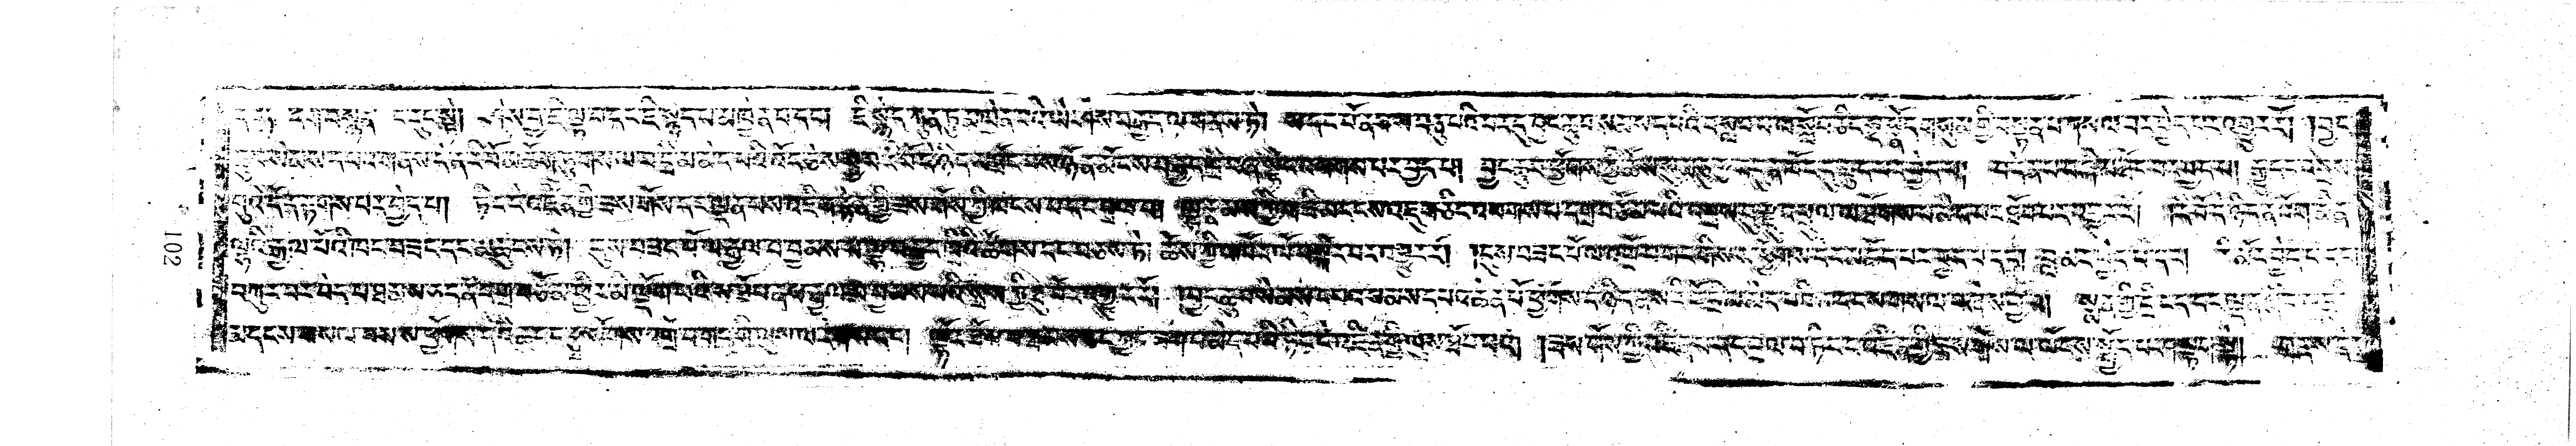དང༑ ངག་བསྙན། ང་རུང་སྟེ། ཤེས་བྱ་ཇི་ལྟ་བ་དང་ཇི་སྙད་པ་མཁྱེན་པ་དང་། ཇི་སྙེད་ཀུན་ཏུ་མཁྱན་པའི་ཡེ་ཤེས་བརྒྱད་ལ་གནས་ཏེ། ས་དང་པོ་ནས་ས་བཅུ་པའི་བར་དུ་བྱང་ཆུབ་སེམས་?་དཔའི་བསླབ་པ་ལ་སློབ་ཅིང་སྔ་སྣོད་གསུམ་གྱི་བསྟན་བ་གསལ་བར་བྱེད་པར་འགྱུར་རོ། །བྱང་
ཆུབ་སེམས་དཔའ་གནས་ད་ན་རི་བོ་མཆོག་ཏུ་གསལ་བ་དྲི་མ་མེད་པའི་འོད་ཅེས་བྱ་བ་རི་བོ་དེ་ཉིད་མཐོང་བས་ཉོན་མོངས་བརྒྱད་ཁྲི་བཞི་སྟོང་འགགས་པར་བྱད་པ། བྱང་ཆུབ་ཕྱོགས་ཀྱི་ཆོས་སུམ་ཅུ་རྩ་བདུན་ཁོང་དུ་ཆུད་པར་བྱེད་པ། བདེན་པ་བཞི་མ་ཐོང་བར་བྱད་པ། རྒྱུ་དང་འབྲས་
བུའི་དོན་རྟགས་པར་བྱེད་པ། ཏིང་ངེ་འཛིན་གྱི་ཟས་གོས་དང་ལྡན་པས་འཇིག་རྟེན་གྱི་ཟས་གོས་ཀྱི་ཁངས་པ་དང་བྲལ་བ། ལྷ་རྣམས་ཀྱི་གཟི་མདངས་འཇུག་ཅིང་འཕགས་པ་དགྲ་བཅོམ་པའི་འབྲས་བུ་རྫུ་འཕྲུལ་ལ་ཐོགས་པ་མེད་པར་ཐོབ་པར་འགྱུར་རོ། །རི་བོ་དེ་ཉིད་ནི་འོག་མིན་
ལྷའི་རྒྱལ་པོའི་ཁང་བཟང་དང་མཚུངས་ཏེ། དུས་བཟང་པོ་ལ་རྒྱལ་བ་བྱམས་པ་ལྷ་བརྒྱད་ཁྲིའི་ཚོགས་དང་བཅས་ཏེ། ཆོས་བྱི་འཁོར་ལོ་བསྐོར་བར་འགྱར་རོ། །དུས་བཟང་པོ་ལ་འགྲོ་བ་གང་གིས་ས་ཕྱོགས་ངེར་མཆོད་པར་བྱད་པ་དང་། བླ་མར་བྱེད་པ་དང་། རི་མོར་བྱེད་པ་དང་།
བཀུར་བར་བྱེད་པ་ཐམས་ཅད་ན་དགྲ་བཅོམ་ཕྱིར་མི་ལྡོག་པའི་ས་ཐོབ་ནས་རྒྱལ་བ་བྱམས་པའི་སྲས་ཀྱི་ཐུ་བོར་འགྱུར་རོ། །བྱང་ཆུབ་སེམས་དཔའ་སེམས་དཔའ་ཆེན་པོ་ཕྱོགས་དེ་ཉིད་ནས་རི་བོ་དྲི་མ་མེད་པའི་མདངས་གསལ་བ་ཞེས་བྱ་བ། སྨན་གྱི་དྲི་ངད་དང་ལྡན་ཞིང་པདམའི་
མདངས་གསལ་བས་ས་ཕྱོགས་དེའི་ཆུ་དང་རྩྭ་སོགས་འགྲོ་བ་གང་གི་ལུས་ལ་རེག་པ་དང་། ལྟོར་ཟོས་པ་ཐམས་ཅད་ཀྱང་ཟག་པ་མེད་པའི་ཏིང་ངེ་འཛིན་གྱི་ལུས་ཐོབ་པའི་?། །ཟས་གོས་ཀྱི་འཛིན་པ་དང་བྲལ་བ་ཏིང་ངེ་?་འཛིན་གྱི་ཟས་གོས་ལ་ལོངས་སྤྱོད་པ་ཤ་སྟག་སྟེ། གནས་དེར་